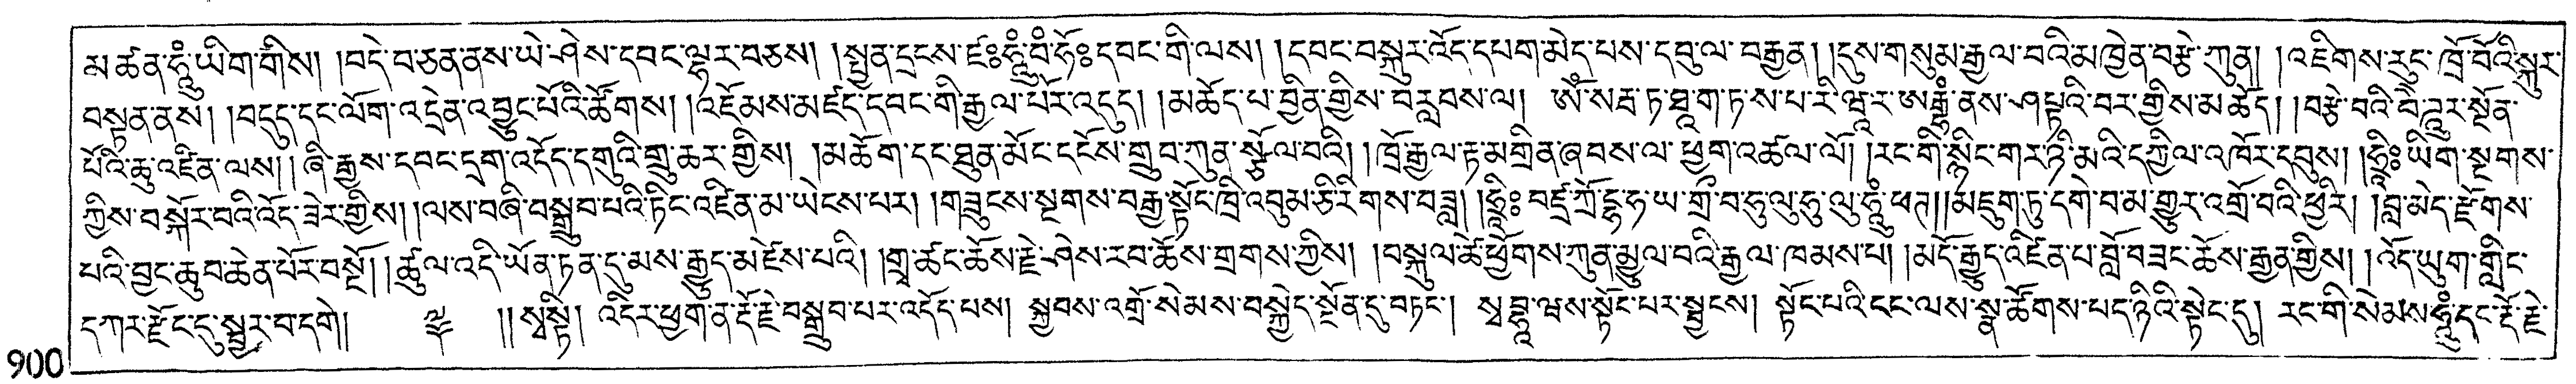མཚན་ཧཱུཾ་ཡིག་གིས། །བདེ་བ་ཅན་ནས་ཡེ་ཤེས་དབང་ལྷར་བཅས། །སྤྱན་དྲངས་ཛཿ ཧཱུཾ་བཾ་ཧོཿ དབང་གི་ལས། །དབང་བསྐུར་འོད་དཔག་མེད་པས་དབུ་ལ་བརྒྱན། །དུས་གསུམ་རྒྱལ་བའི་མཁྱེན་བརྩེ་ཀུན། །འཇིགས་རུང་ཁྲོ་བོའི་སྐུར་
བསྟན་ནས། །བདུད་དང་ལོག་འདྲེན་འབྱུང་པོའི་ཚོགས། །འཇོམས་མཛད་དབང་གི་རྒྱལ་པོར་འདུད། །མཆོད་པ་བྱིན་གྱིས་བརླབས་ལ། ཨོཾ་སརྦ་ཏ་ཐཱ་ག་ཏ་ས་པ་རི་ཝཱ་ར་ཨརྒྷཾ་ནས་ཤཔྟའི་བར་གྱིས་མཆོད། །བརྩེ་བའི་བཻ་ཌཱུར་སྔོན་
པོའི་ཆུ་འཛིན་ལས། །ཞི་རྒྱས་དབང་དྲག་འདོད་དགུའི་གྲུ་ཆར་གྱིས། །མཆོག་དང་ཐུན་མོང་དངོས་གྲུབ་ཀུན་སྩོལ་བའི། །ཁྲོ་རྒྱལ་རྟ་མགྲིན་ཞབས་ལ་ཕྱག་འཚལ་ལོ། །རང་གི་སྙིང་གར་ཉི་མའི་དཀྱིལ་འཁོར་དབུས། །ཧྲཱིཿ ཡིག་སྔགས་
ཀྱིས་བསྐོར་བའི་འོད་ཟེར་གྱིས། །ལས་བཞི་བསྒྲུབ་པའི་ཏིང་འཛིན་མ་ཡེངས་པར། །གཟུངས་སྔགས་བརྒྱ་སྟོང་ཁྲི་འབུམ་ཅི་རིགས་བཟླ། །ཧྲཱིཿ བཛྲ་ཀྲོ་དྷ་ཧ་ཡ་གྲྀ་བ་ཧུ་ལུ་ཧུ་ལུ་ཧཱུཾ་ཕཊ། །མཇུག་ཏུ་དགེ་བ་མ་གྱུར་འགྲོ་བའི་ཕྱིར། །བླ་མེད་རྫོགས་པའི་བྱང་ཆུབ་ཆེན་པོར་བསྔོ། །ཚུལ་འདི་ཡོན་ཏན་དུ་མས་རྒྱུད་མཛེས་པའི། །གྲྭ་ཚང་ཆོས་རྗེ་ཤེས་རབ་ཆོས་གྲགས་ཀྱིས། །བསྐུལ་ཚེ་ཕྱོགས་ཀུན་མྱུལ་བའི་རྒྱལ་ཁམས་པ། །མདོ་རྒྱུད་འཛིན་པ་བློ་བཟང་ཆོས་རྒྱན་གྱིས། །འོད་ཡུག་གླིང་
དཀར་རྫོང་དུ་སྦྱར་བ་དགེ། ༈ །།སྭ་སྟི། འདིར་ཕྱག་ན་རྡོ་རྗེ་བསྒྲུབ་པར་འདོད་པས། སྐྱབས་འགྲོ་སེམས་བསྐྱེད་སྔོན་དུ་བཏང་། སྭབྷཱ་ཝས་སྟོང་པར་སྦྱངས། སྟོང་པའི་ངང་ལས་སྣ་ཚོགས་པད་ཉིའི་སྟེང་དུ། རང་གི་སེམས་ཧཱུཾ་དང་རྡོ་རྗེ་